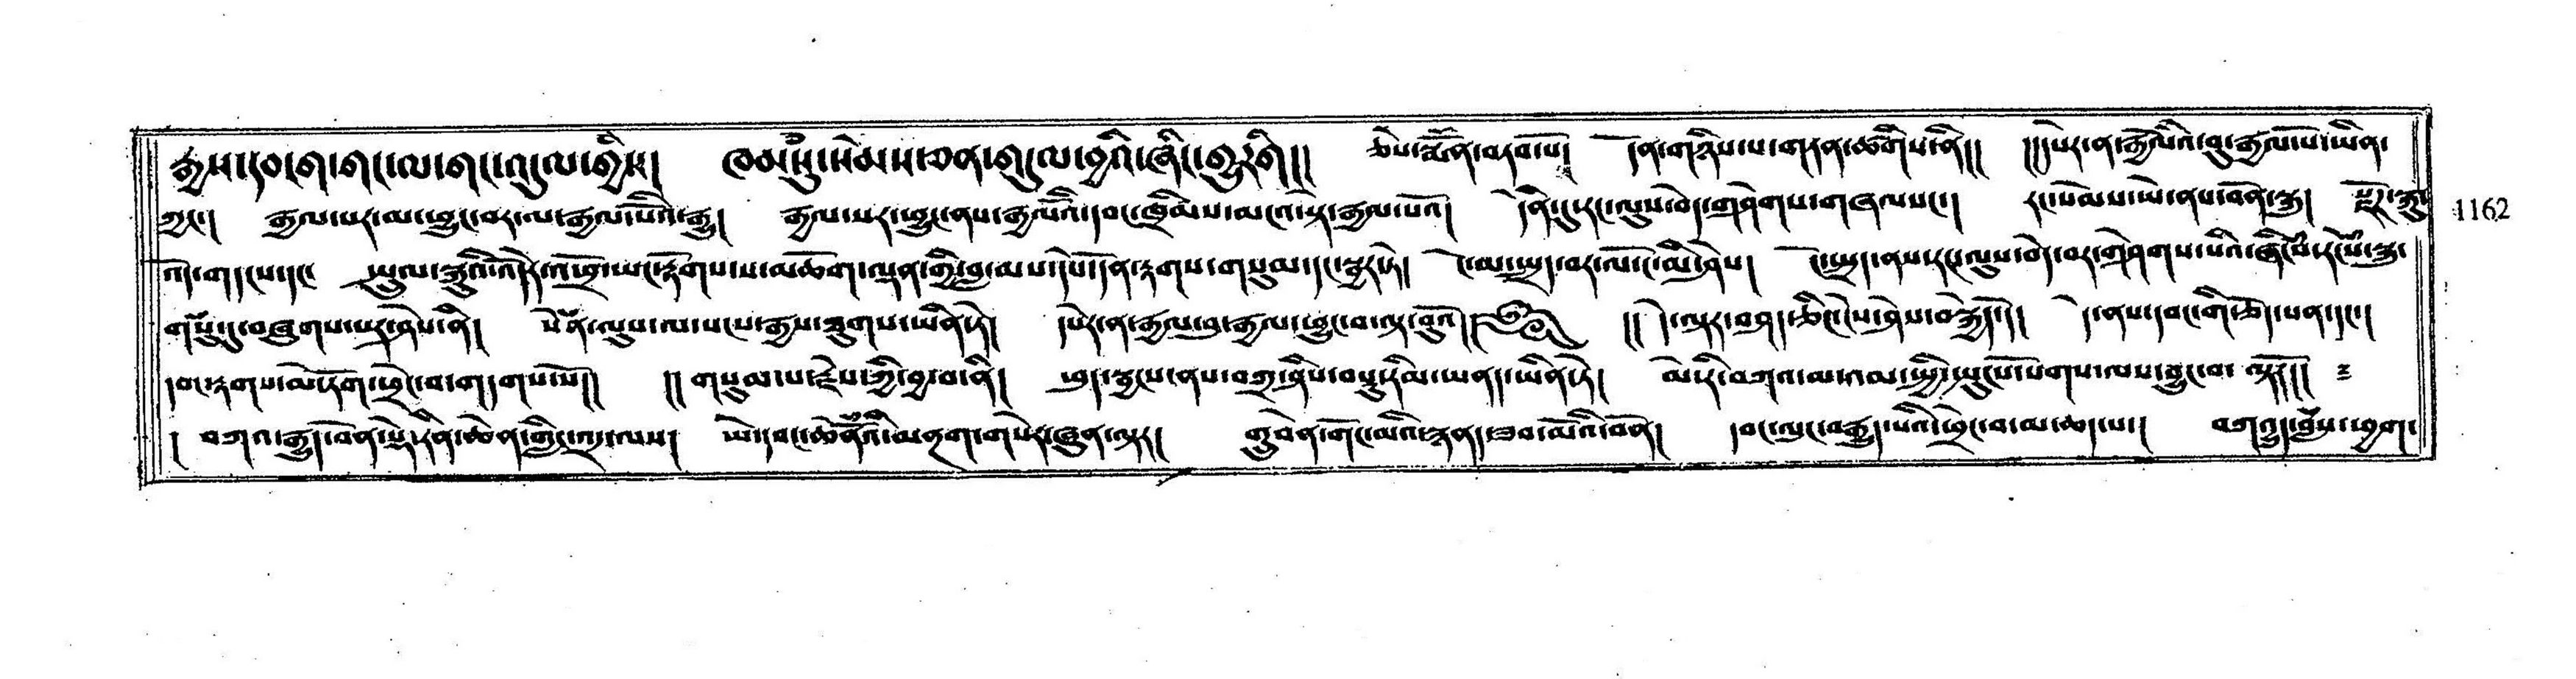རྒྱས་དབང་དྲག་གང་ལ་གང་འདུལ་གྱིས། ཁམས་གསུམ་སེམས་ཅན་གདུལ་བྱའི་ཞིང་གྱུར་ཅིག ཅེས་སྨོན་ལམ་བཏབ་པོ། དོན་གཉིས་པ་གཏན་ཚིགས་ནི།། །།དཔེར་ན་རྒྱལ་པོའི་བུ་རྒྱལ་པོ་ཡིན་
ཀྱང་། རྒྱལ་སར་མ་ཕྱུང་བར་ལ་རྒྱལ་པོའི་རྒྱུ། རྒྱལ་སར་ཕྱུང་ནས་རྒྱལ་པོའི་དབང་ཁྲིམས་མངའ་སྟེ་རྒྱལ་པོའོ། དེ་བཞིན་དུ་རང་ལུས་བདེ་གཤེགས་གཞལ་ཡས་ཁང་། རང་སེམས་ཡེ་ནས་བོན་སྐུ། རྫོགས་སྐུ་
འོད་གདངས་དང་སྤྲུལ་སྐུའི་འོད་ཟེར་འཕྲོ་ཡང་རྟོགས་པ་མཆོག་ལྡན་གྱི་བླ་མས་དཔེ་དོན་རྟགས་གསུམ་དང་སྦྱར་ཏེ། ངོ་མ་སྤྲད་བར་ལ་ངོ་མི་ཤེས། ངོ་སྤྲད་ནས་རང་ལུས་བདེ་བར་གཤེགས་པའི་ཞིང་ཁམས་རང་སེམས་སྐུ་
གསུམ་དུ་བཞུགས་པར་ཤེས་ན། སེམས་ཅན་ལུས་ལ་སངས་རྒྱས་ཐུགས་ཡིན་ཏེ། དཔེར་ན་རྒྱལ་བུ་རྒྱལ་སར་ཕྱུང་བ་ལྟ་བུའོ།། །།དེ་ལྟར་བཤད་ཅིང་ངེས་ཤེས་བསྐྱེད་དོ། དེ་ནས་དབང་གི་ཅོད་པན་དང་། 
དབང་རྟགས་མེ་ཏོག་ཕྲེང་བ་གདགས་སོ།། །།གསུམ་པ་རྗེས་ཀྱི་བྱ་བ་ནི། ཕུད་སྦྱངས་ནས་བཀྲ་ཤིས་བསྡུ་རིམ་ཡན་ཆད་ཡིན་ཏེ། མེ་རི་བཀའ་མ་འམ་སྤྱི་སྤུངས་སོགས་ལས་བྱུང་བ་ལྟར་རོ།། །
བཀའ་རྒྱུད་བོན་སྡེ་རིན་ཆེན་གླིང་འདྲ་ལས། ཡེ་དབང་ཆེན་པོའི་མན་ངག་གསེར་ཞུན་ལྟར། གྲུབ་གཤེན་གོང་མའི་སྙན་རྒྱུད་ཟབ་མོའི་བོན། དབང་ལུང་བརྒྱུད་པའི་ཕྲེང་བ་མ་ཆད་པ། བཀའ་རྒྱུད་བླ་མས་ཕྱག་